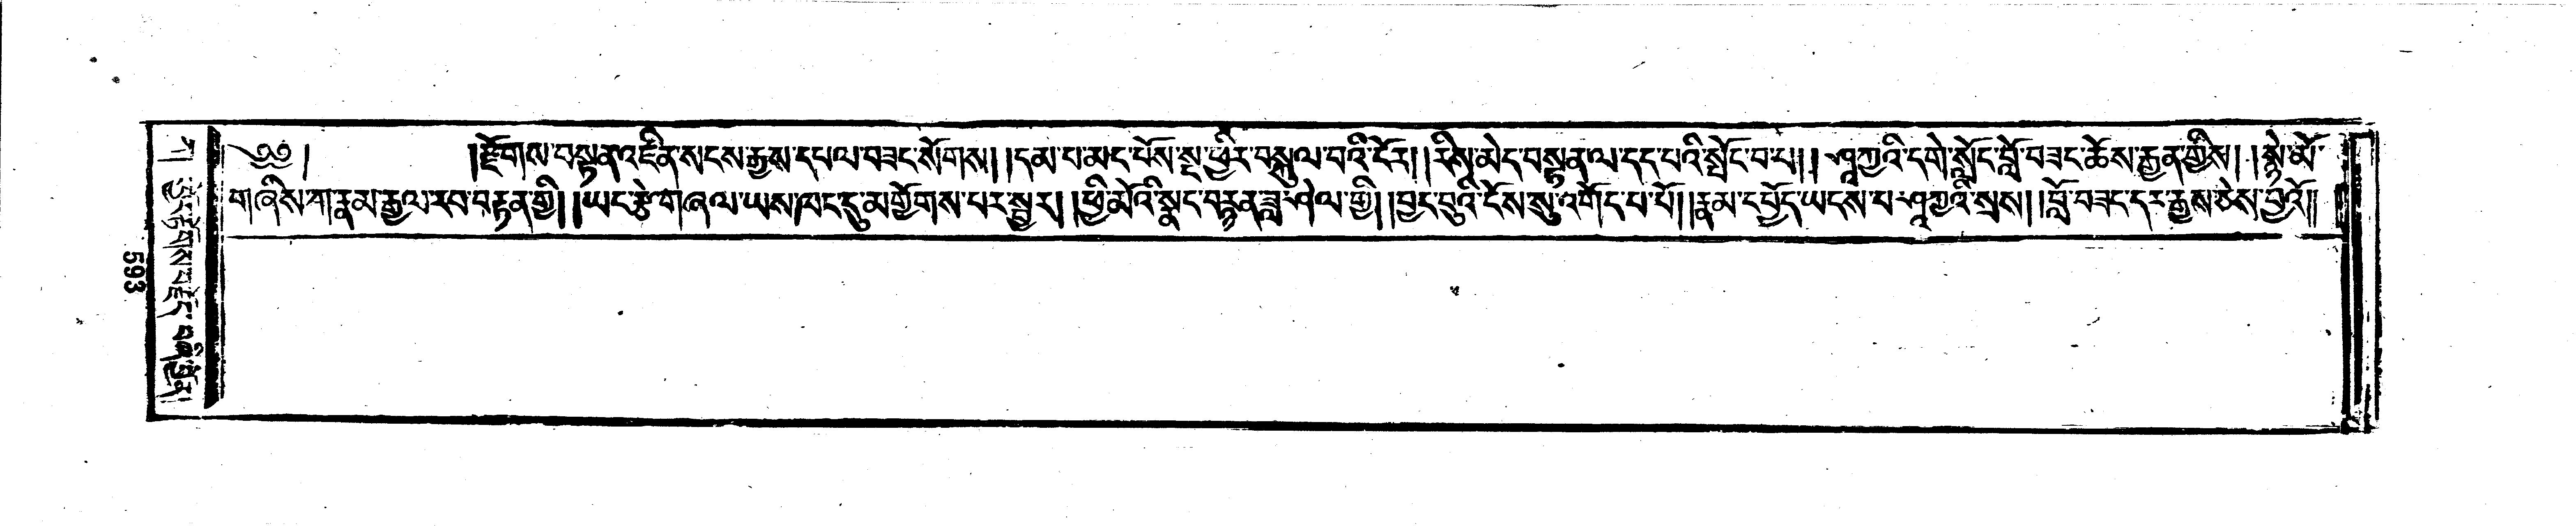༄༅། །རྫོགས་བསྟན་འཛིན་སངས་རྒྱས་དཔལ་བཟང་སོགས། །དམ་པ་མང་པོས་སྔ་ཕྱིར་བསྐུལ་བའི་ངོར། །རིས་མེད་བསྟན་ལ་དད་པའི་སྤོང་བ་པ། །ཤཱཀྱའི་དགེ་སློང་བློ་བཟང་ཆོས་རྒྱན་གྱིས། །སྙེ་མོ་
གཞིས་ཀ་རྣམ་རྒྱལ་རབ་བརྟན་གྱི། །ཡང་རྩེ་གཞལ་ཡས་ཁང་དུ་མགྱོགས་པར་སྦྱར། །ཕྱི་མོའི་སྣང་བརྙན་ཟླ་ཤེལ་གྱི། །བྱང་བུའི་ངོས་སུ་འགོད་པ་པོ། །རྣམ་དཔྱོད་ཡངས་པ་ཤཱཀྱའི་སྲས། །བློ་བཟང་དར་རྒྱས་ཅེས་བྱའོ།།